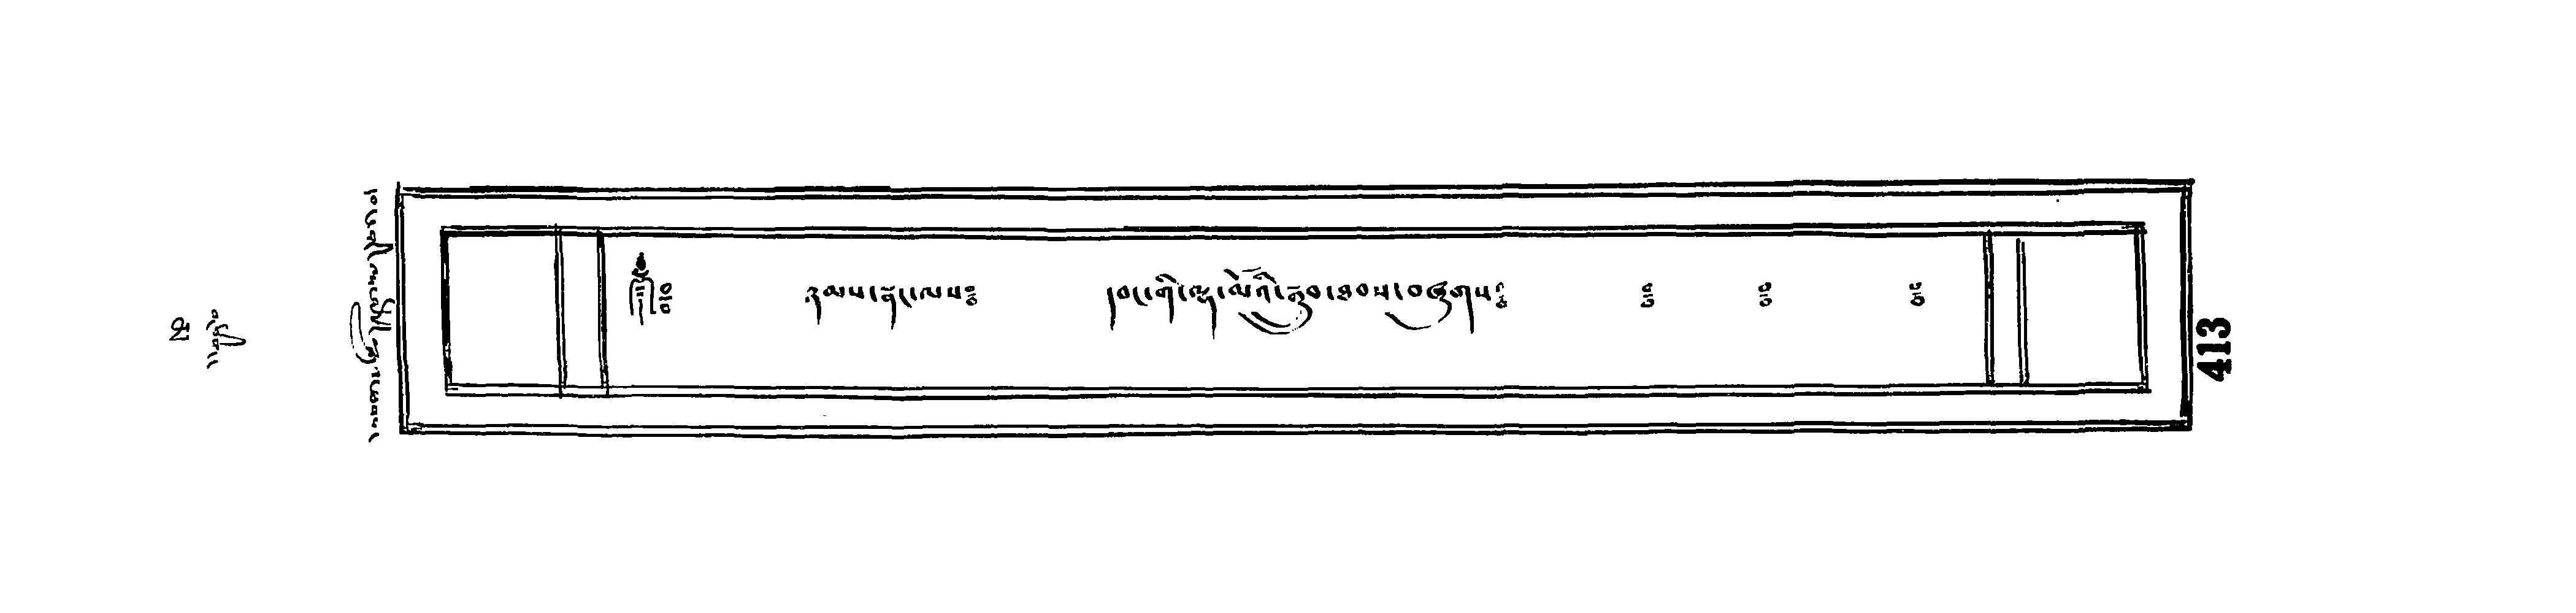ཉམས་སྣང་ལས༔ དབང་གི་ལྷ་མོའི་སྒྲུབ་ཐབས་བཞུགས༔